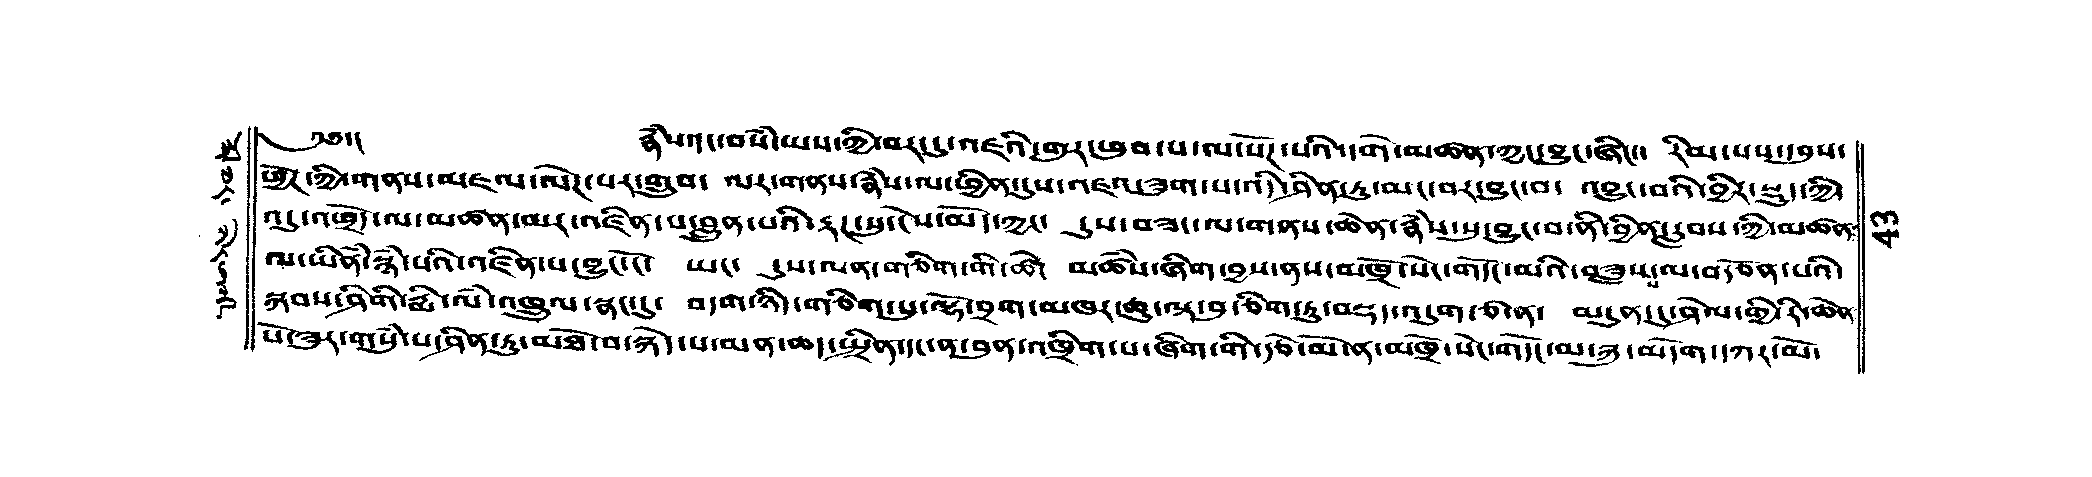རྣམས་དང་བསམ་ཡས་ཀྱི་བར་དུ་འཇའི་གུར་ཕུབ་པ་ལ་སོགས་པའི་དགེ་མཚན་ཀྱང་བྱུང་ཞིང་། རིམ་པས་དབུས་
ཕྱོགས་ཀྱི་གནས་མཇལ་ལེགས་པར་གྲུབ། ལར་གནས་རྣམས་ལ་ཕྱིན་དུས་འཇའ་ཟུག་པ་འདི་ཤིན་ཏུ་མང་བར་བྱུང་བ། འབྱུང་བའི་བྱེར་སྡུད་ཀྱི་
འདུ་འཕྲོད་ལ་མཚན་མར་འཛིན་པ་བླུན་པོའི་རྟགས་སུ་ངེས་མོད་ཀྱང་། དུས་བཟང་ལ་གནས་ཆེན་རྣམས་སུ་བྱུང་བ་ནི་བྱིན་རླབས་ཀྱི་མཚན་
མ་ཡིན་ནམ་སྙམ་པའི་འཛིན་པ་བྱུང་ངོ་། ཡང་། དུས་ལན་གཅིག་གི་ཚེ། མཚམས་ཞིག་བྱས་ནས་མཁའ་འགྲོ་སེང་གདོང་མའི་བཟླས་པ་ལ་བརྩོན་པའི་
སྐབས་ཤིག་གི་རྨི་ལམ་འཁྲུལ་སྣང་དུ། བདག་ཉིད་གཅིག་པུ་ལྷོ་བྲག་མཁར་ཆུ་ལྟ་བུ་གཅིག་ཏུ་བསྡད་འདུག་ཙ་ན། མདུན་དུ་ཤེལ་གྱི་རི་ཆེན་
པོ་ཟུར་གསུམ་པ་ཤིན་ཏུ་མཐོ་བ་སྐེད་པ་མན་ཆད་སྤྲིན་དང་ན་བུན་འཁྲིགས་པ་ཞིག་གི་རྩེ་མོ་ན་མཁའ་འགྲོ་སེང་གདོང་མ་སྐུ་མདོག་དཀར་མོ་